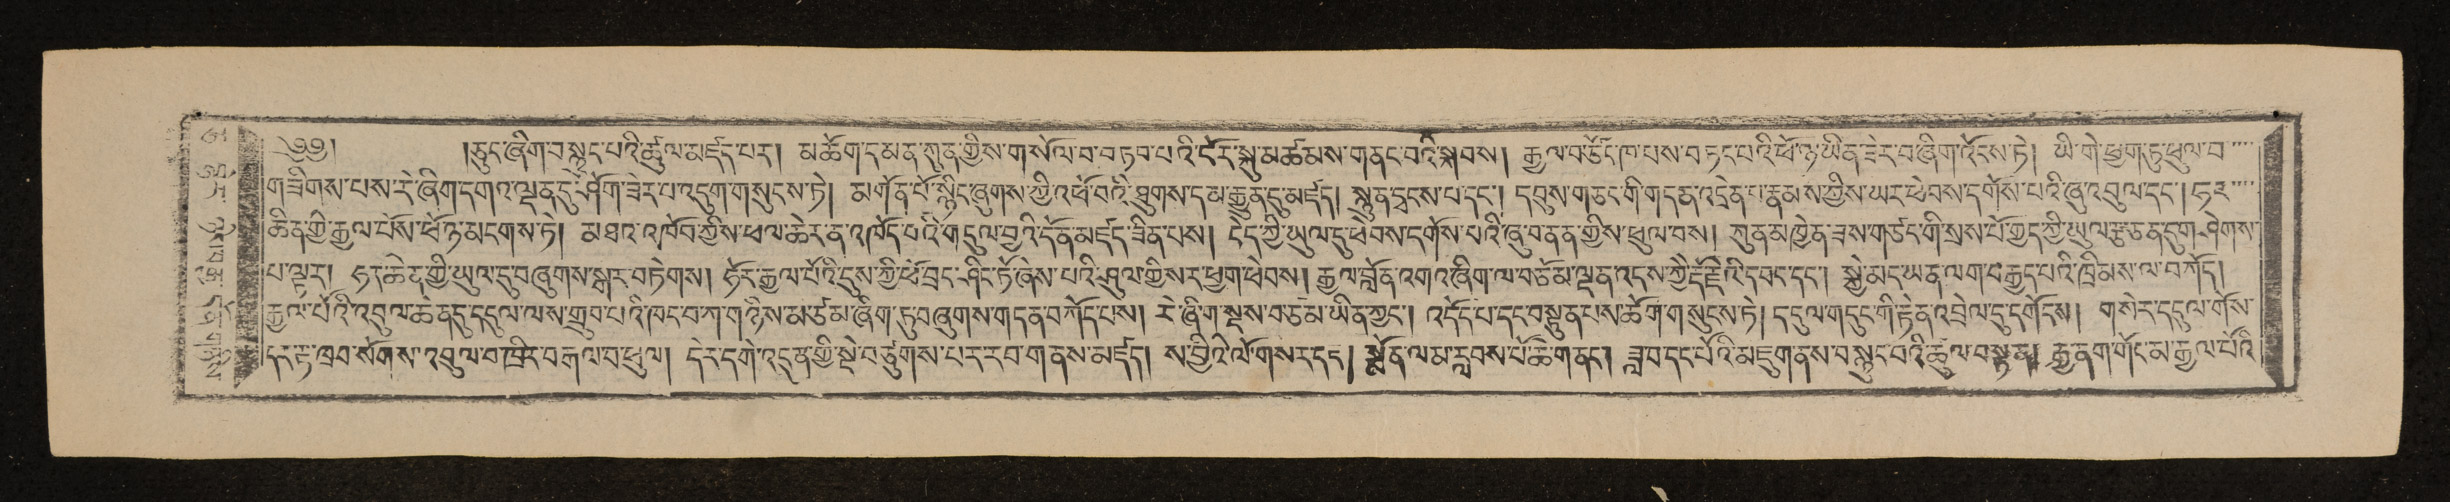༄༅། །ཅུང་ཞིག་བསྙུང་པའི་ཚུལ་མཛད་པར། མཆོག་དམན་ཀུན་གྱིས་གསོལ་བ་བཏབ་པའི་ངོར་སྐུ་མཚམས་གནང་བའི་སྐབས། རྒྱལ་བ་ཙོང་ཁ་པས་བཏང་པའི་ཕོ་ཉ་ཡིན་ཟེར་བ་ཞིག་འོངས་ཏེ། ཡི་གེ་ཕྱག་ཏུ་ཕུལ་བ་
གཟིགས་པས་རེ་ཞིག་དགའ་ལྡན་དུ་ཤོག་ཟེར་པ་འདུག་གསུངས་ཏེ། མགོན་པོ་སྙིང་ཞུགས་ཀྱི་འཕོ་བའི་ཐུགས་དམ་རྒྱུན་དུ་མཛད། སྙུན་དྭངས་པ་དང་། དབུས་གཙང་གི་གདན་འདྲེན་པ་རྣམས་ཀྱིས་ཡར་ཕེབས་དགོས་པའི་ཞུ་འབུལ་དང་། ཧར་
ཆིན་གྱི་རྒྱལ་པོས་ཕོ་ཉ་མངགས་ཏེ། མཐའ་འཁོབ་ཀྱིས་ཕལ་ཆེར་ན་འཁོད་པའི་གདུལ་བྱའི་དོན་མཛད་ཟིན་པས། ངེད་ཀྱི་ཡུལ་དུ་ཕེབས་དགོས་པའི་ཞུ་བ་ནན་གྱིས་ཕུལ་བས། ཀུན་མཁྱེན་ཟས་གཙང་གི་སྲས་པོ་གྱད་ཀྱི་ཡུལ་རྩ་ཅན་དུ་གཤེགས་
པ་ལྟར། ཧར་ཆིན་གྱི་ཡུལ་དུ་བཞུགས་སྒར་བཏེགས། ཧོར་རྒྱལ་པོའི་དུས་ཀྱི་ཕོ་བྲང་ཤིང་ཏོ་ཞེས་པའི་ཤུལ་གྱི་སར་ཕྱག་ཕེབས། རྒྱལ་བློན་འགའ་ཞིག་ལ་བཅོམ་ལྡན་འདས་ཀྱཻ་རྡོ་རྗེའི་དབང་དང་། སྐྱེ་མང་ཡན་ལག་བརྒྱད་པའི་ཁྲིམས་ལ་བཀོད།
རྒྱལ་པོའི་འབུལ་ཆེན་དུ་དངུལ་ལས་གྲུབ་པའི་ཁང་པ་ཀ་གཉིས་མ་ཙམ་ཞིག་ཏུ་བཞུགས་གདན་བཀོད་པས། རེ་ཞིག་སྔས་པ་ཙམ་ཡིན་ཀྱང་། འདོད་པ་དང་བསྟུན་པས་ཆོག་གསུངས་ཏེ། དངུལ་གདུང་གི་རྟེན་འབྲེལ་དུ་དགོངས། གསེར་དངུལ་གོས་
དར་རྟ་ཁྲབ་སོགས་འབུལ་བ་ཁྲིར་བརྒལ་བ་ཕུལ། དེར་དགེ་འདུན་གྱི་སྡེ་བཙུགས་པར་རབ་གནས་མཛད། ས་བྱིའི་ལོ་གསར་དང་། སྨོན་ལམ་རླབས་པོ་ཆེ་གནང་། ཟླ་བ་དང་པོའི་མཇུག་ནས་བསྙུང་བའི་ཚུལ་བསྟན། རྒྱ་ནག་གོང་མ་རྒྱལ་པོའི་